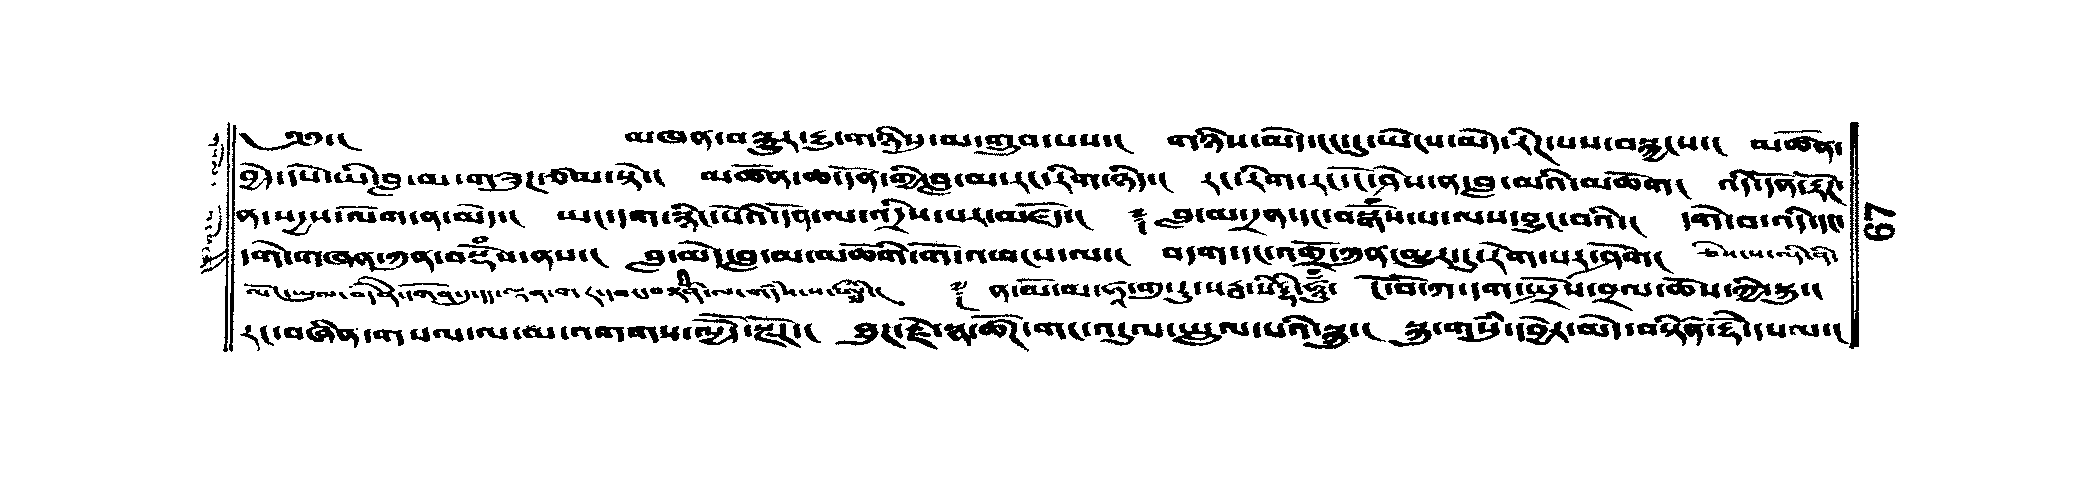མཁན་བསྐྱུར་རྒྱུ་གཉིས་སུ་མ་གྲུབ་པས། །གཉིས་མེད་ངང་དུ་ཡེངས་མེད་རིག་པས་བསྐྱངས། །མཚོན་
བྱེད་དཔེ་ཡི་བླ་མ་གཟུགས་ཙམ་སྟེ། །མཚོན་བྱ་དོན་གྱི་བླ་མ་རང་རིག་ཉིད། །རང་རིག་རང་ངོ་ཤེས་ན་བླ་མའི་མཆོག །འདི་དོན་རྟོགས་
ན་སངས་རྒྱས་ལོགས་ན་མེད། །ཡང་དག་སྙིང་པོའི་དོན་ལ་འདྲིས་པར་མཛོད། ༈ བླ་མ་དྲན་དང་བསྒོམས་པ་ལས་བྱུང་བའི། །དགེ་བ་འདི་དང་
དགེ་གཞན་ཀུན་བསྡོམས་ནས། །བླ་མེད་བླ་མ་མཆོག་གི་གོ་འཕང་ལ། །བདག་དང་འགྲོ་ཀུན་མྱུར་དུ་རེག་པར་ཤོག ཅེས་པ་འདི་ནི་
ལོང་ཡུལ་བདེ་ཆེན་དགོན་དུ་དད་ལྡན་གར་དབང་བསྟན་འཛིན་ལ་གདམས་པ་།། ༈ ན་མོ་མ་ཧཱ་གུ་རུ་སརྦ་སིདྡྷི་ཧཱུྃ། ངོ་བོ་ཀ་དག་སྤྲོས་བྲལ་ཆོས་ཀྱི་སྐུ། །
རང་བཞིན་གསལ་ལ་མ་འགགས་ལོངས་སྤྱོད་རྫོགས། །ཐུགས་རྗེ་སྣ་ཚོགས་གང་འདུལ་སྤྲུལ་པའི་སྐུ། །སྐུ་གསུམ་དབྱེར་མེད་བསྟན་འཛིན་རྡོ་རྗེའི་དཔལ།